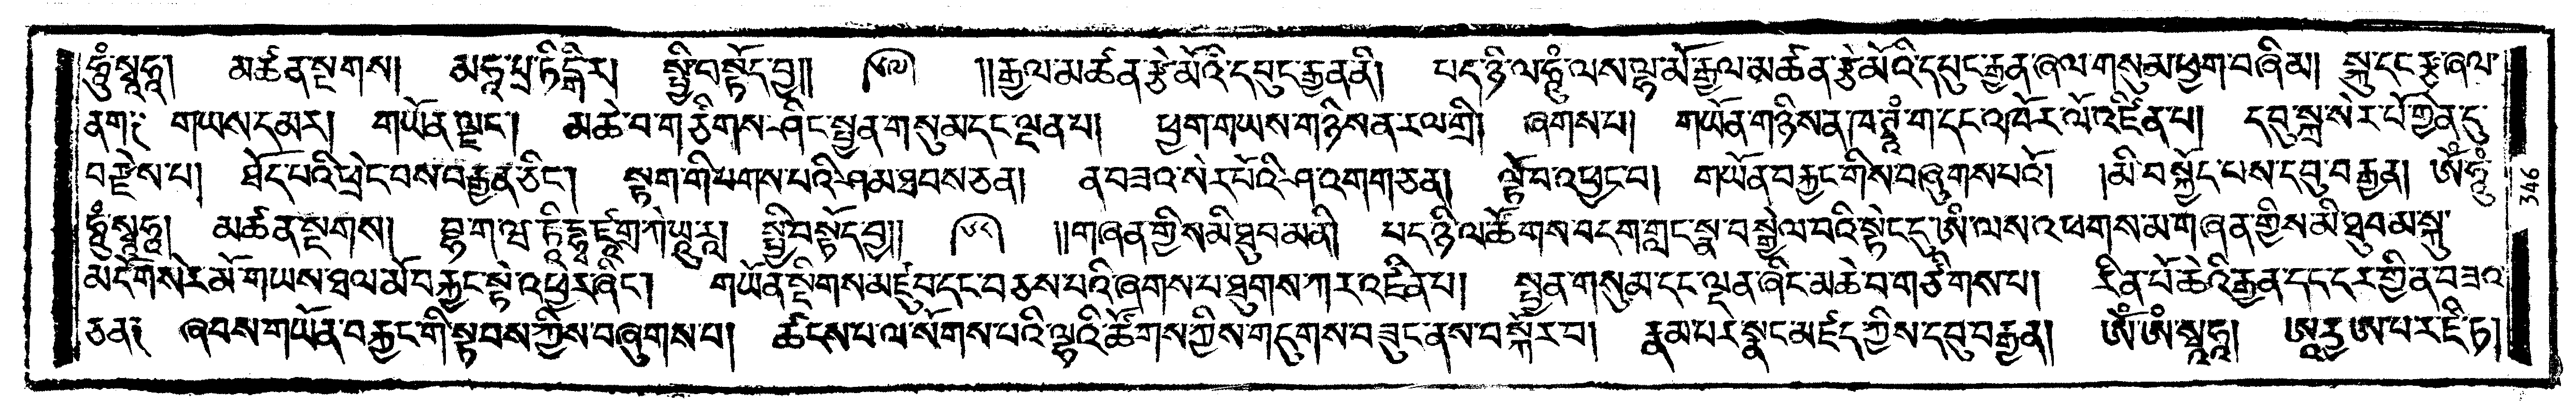ཧཱུཾ་སྭཱཧཱ། མཚན་སྔགས། མཧཱ་པྲ་ཏིདགི་ར། སྤྱི་བསྟོད་བྱ།། ༦༧?་།།རྒྱལ་མཚན་རྩེ་མོའི་དཔུང་རྒྱན་ནི། པད་ཉི་ལ་ཧཱུཾ་ལས་ལྷ་མོ་རྒྱལ་མཚན་རྩེ་མོའི་དཔུང་རྒྱན་ཞལ་གསུམ་ཕྱག་བཞིམ། སྐུ་དང་རྩ་ཞལ་
ནག༑ གཡས་དམར། གཡོན་ལྗང་། མཆེ་བ་གཙིགས་ཤིང་སྤྱན་གསུམ་དང་ལྡན་པ། ཕྱག་གཡས་གཉིས་ན་རལ་གྲི། ཞགས་པ། གཡོན་གཉིས་ན་ཁ་ཊྭཱཾ་ག་དང་འཁོར་ལོ་འཛིན་པ། དབུ་སྐྲ་སེར་པོ་གྱེན་དུ་
བརྫེས་པ། ཐོད་པའི་ཕྲེང་བས་བརྒྱན་ཅིང་། སྟག་གི་པགས་པའི་ཤམ་ཐབས་ཅན། ན་བཟའ་སེར་པོའི་ཤ་འགག་ཅན། ལྟོ་བ་འཕྱང་བ། གཡོན་བརྐྱང་གིས་བཞུགས་པའོ། །མི་བསྐྱོད་པས་དབུ་བརྒྱན། ཨོཾ་ཧཱུཾ་
ཧཱུཾ་སྭཱཧཱ། མཚན་སྔགས། བྷ་ག་ཝ་ཏཱི་དྷྭ་ཛཱ་གྲ་ཀེ་ཡཱུ་རཱ། སྤྱི་བསྟོད་བྱ།། ༦༨?་།།གཞན་གྱིས་མི་ཐུབ་མ་ནི། པད་ཉི་ལ་ཚོགས་བདག་གླང་སྣ་བསྒྱེལ་བའི་སྟེང་དུ་ཨཾ་ལས་འཕགས་མ་གཞན་གྱིས་མི་ཐུབ་མ་སྐུ་
མདོག་སེར་མོ་གཡས་ཐལ་མོ་བརྐྱང་སྟེ་འཕྱར་ཞིང་། གཡོན་སྡིགས་མཛུབ་དང་བཅས་པའི་ཞགས་པ་ཐུགས་ཀར་འཛིན་པ། སྤྱན་གསུམ་དང་ལྡན་ཞིང་མཆེ་བ་གཙིགས་པ། རིན་པོ་ཆེའི་རྒྱན་དང་དར་གྱི་ན་བཟའ་
ཅན༑ ཞབས་གཡོན་བརྐྱང་གི་སྟབས་ཀྱིས་བཞུགས་པ། ཚངས་པ་ལ་སོགས་པའི་ལྷའི་ཚོགས་ཀྱིས་གདུགས་བཟུང་ནས་བསྐོར་བ། རྣམ་པར་སྣང་མཛད་ཀྱིས་དབུ་བརྒྱན། ཨོཾ་ཨཾ་སྭཱཧཱ། ཨཱརྱ་ཨ་པ་ར་ཛི་ཏ།